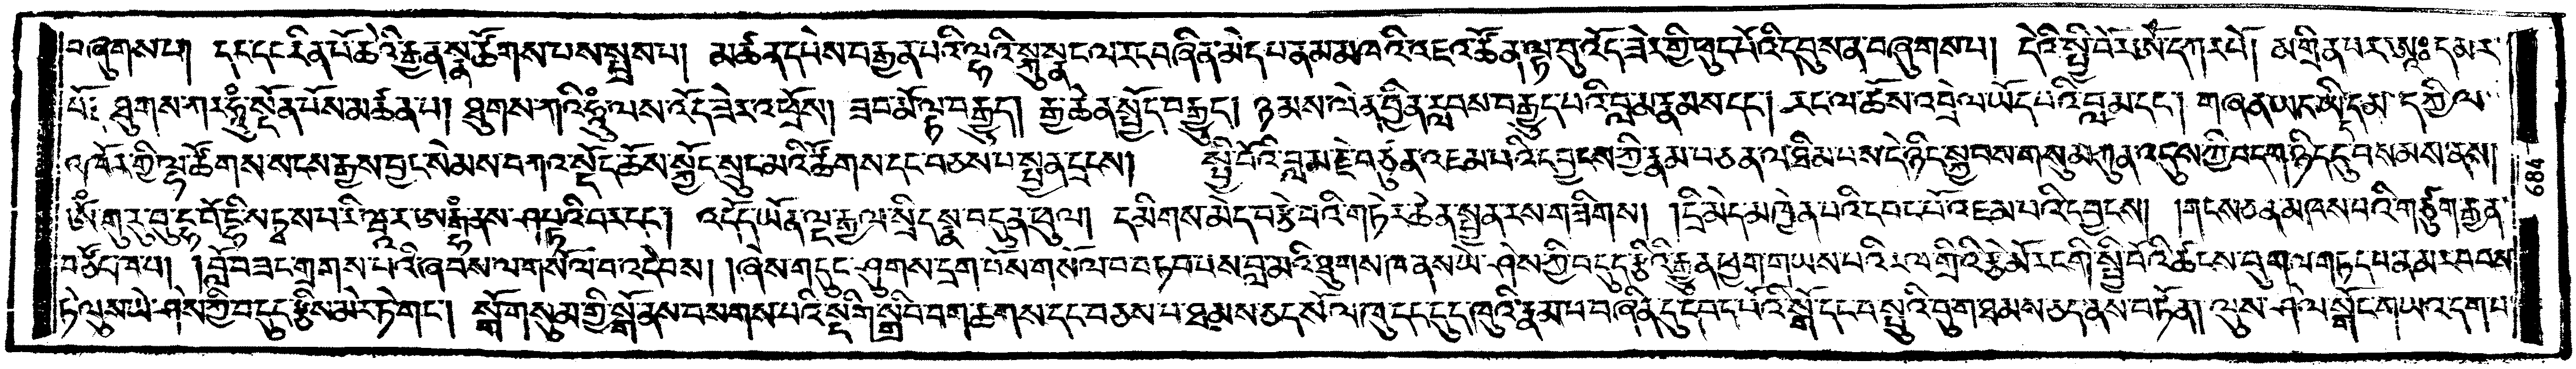བཞུགས་པ། དང་དང་རིན་པོ་ཆེའི་རྒྱན་སྣ་ཚོགས་པས་སྤྲས་པ། མཚན་དཔེས་བརྒྱན་པའི་ལྷའི་སྐུ་སྣང་ལ་རང་བཞིན་མེད་པ་ནམ་མཁའི་འཇའ་ཚོན་ལྟ་བུ་འོད་ཟེར་གྱི་ཕུང་པོའི་དབུས་ན་བཞུགས་པ། དེའི་སྤྱི་བོར་ཨོཾ་དཀར་པོ། མགྲིན་པར་ཨཱཿ དམར་
པོ༑ ཐུགས་ཀར་ཧཱུཾ་སྔོན་པོས་མཚན་པ། ཐུགས་ཀའི་ཧཱུཾ་ལས་འོད་ཟེར་འཕྲོས། ཟབ་མོ་ལྟ་བརྒྱུད། རྒྱ་ཆེན་སྤྱོད་བརྒྱུད། ཉམས་ལེན་བྱིན་རླབས་བརྒྱུད་པའི་བླ་མ་རྣམས་དང་། རང་ལ་ཆོས་འབྲེལ་ཡོད་པའི་བླ་མ་དང་། གཞན་ཡང་ཡིད་དམ་དཀྱིལ་
འཁོར་གྱི་ལྷ་ཚོགས་སངས་རྒྱས་བྱང་སེམས་བཀའ་སྡོད་ཆོས་སྐྱོང་སྲུང་མའི་ཚོགས་དང་བཅས་པ་སྤྱན་དྲངས། སྤྱི་བོའི་བླ་མ་རྗེ་བཙུན་འཇམ་པའི་དབྱངས་ཀྱི་རྣམ་པ་ཅན་ལ་ཐིམ་པས་དེ་ཉིད་སྐྱབས་གསུམ་ཀུན་འདུས་ཀྱི་བདག་ཉིད་དུ་བསམས་ནས།
ཨོཾ་གུ་རུ་བུ་དྷ་བོ་དྷིས་ཏྭ་ས་པ་རི་ཝཱ་ར་ཨརྒྷཾ་ནས་ཤཔྟའི་བར་དང་། འདོད་ཡོན་ལྔ་རྒྱལ་སྲིད་སྣ་བདུན་ཕུལ། དམིགས་མེད་བརྩེ་པའི་གཏེར་ཆེན་སྤྱན་རས་གཟིགས། །དྲི་མེད་མཁྱེན་པའི་དབང་པོ་འཇམ་པའི་དབྱངས། །གངས་ཅན་མཁས་པའི་གཙུག་རྒྱན་
བཙོང་ཁ་བ། །བློ་བཟང་གྲགས་པའི་ཞབས་ལ་གསོལ་བ་འདེབས། ། ཞེས་གདུང་ཤུགས་དྲག་བོས་གསོལ་བ་བཏབ་པས་བླ་མའི་ཐུགས་ཁ་ནས་ཡེ་ཤེས་ཀྱི་བདུང་རྩིའི་རྒྱུན་ཕྱག་གཡས་པའི་རལ་གྲིའི་རྩེ་མོ་རང་གི་སྤྱི་བོའི་ཚངས་བུག་ལ་གཏད་པ་ནམ་?་བབས་
ཏེ་ལུས་ཡེ་ཤེས་ཀྱི་བདུད་རྩིས་མེར་ཏེ་གང་། སྒོ་གསུམ་གྱི་སྒོ་ནས་བསགས་པའི་སྡིག་སྒྲིབ་བག་ཆགས་དང་བཅས་པ་ཐམས་ཅད་སོལ་ཁུ་དང་དུད་ཁུའི་རྣམ་པ་བཞིན་དུ་དབང་པོའི་སྒོ་དང་བ་སྤུའི་བུག་ཐམས་ཅད་ནས་བཏོན། ལུས་ཤེལ་སྒོང་གཡའ་དག་པ་